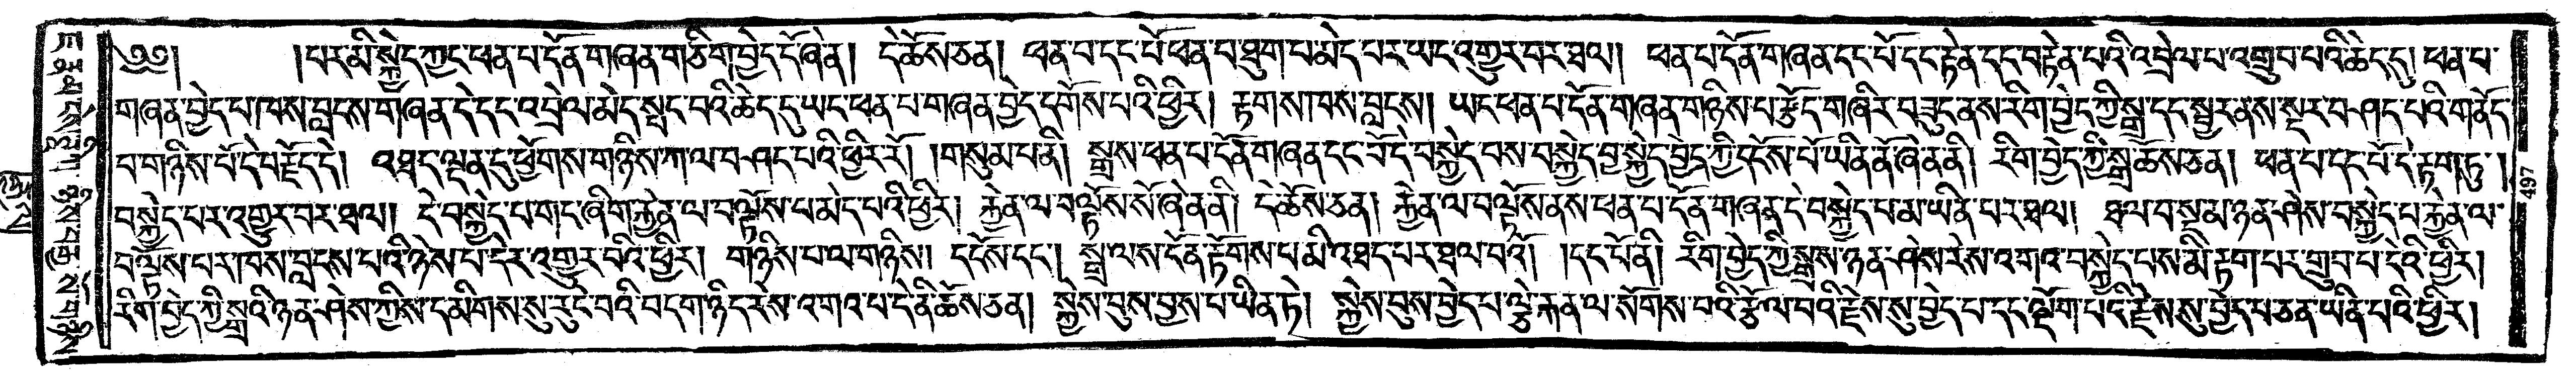༄༅། །པར་མི་སྐྱེད་ཀྱང་ཕན་པ་དོན་གཞན་གཅིག་བྱེད་དོ་ཞེ་ན། དེ་ཆོས་ཅན། ཕན་པ་དང་པོ་ཕན་པ་ཐུག་པ་མེད་པར་ཡང་འགྱུར་བར་ཐལ། ཕན་པ་དོན་གཞན་དང་པོ་དང་རྟེན་དང་བརྟེན་པའི་འབྲེལ་པ་འགྲུབ་པའི་ཆེད་དུ། ཕན་པ་
གཞན་བྱེད་པ་ཁས་བླངས་གཞན་དེ་དང་འབྲེལ་མེད་སྤང་བའི་ཆེད་དུ་ཡང་ཕན་པ་གཞན་བྱེད་དགོས་པའི་ཕྱིར། རྟགས་ཁས་བླངས། ཡང་ཕན་པ་དོན་གཞན་གཉིས་པ་རྩོད་གཞིར་བཟུང་ནས་རིག་བྱེད་ཀྱི་སྒྲ་དང་སྦྱར་ནས་སྔར་བཤད་པའི་གནོད་
པ་གཉིས་པོ་དེ་བརྗོད་དེ། འཐད་ལྡན་དུ་ཕྱོགས་གཉིས་ཀ་ལ་བཤད་པའི་ཕྱིར་རོ། །གསུམ་པ་ནི། སྒྲས་ཕན་པ་དོན་གཞན་དང་པོ་དེ་བསྐྱེད་པས་བསྐྱེད་བྱ་སྐྱེད་བྱེད་ཀྱི་དངོས་པོ་ཡིན་ནོ་ཞེ་ན་ནི། རིག་བྱེད་ཀྱི་སྒྲ་ཆོས་ཅན། ཕན་པ་དང་པོ་དེ་རྟག་ཏུ།
བསྐྱེད་པར་འགྱུར་བར་ཐལ། དེ་བསྐྱེད་པ་གང་ཞིག་རྐྱེན་ལ་བལྟོས་པ་མེད་པའི་ཕྱིར། རྐྱེན་ལ་བལྟོས་སོ་ཞེ་ན་ནི། དེ་ཆོས་ཅན། རྐྱེན་ལ་བལྟོས་ནས་ཕན་པ་དོན་གཞན་དེ་བསྐྱེད་པ་མ་ཡིན་པར་ཐལ། ཐལ་བ་སྔ་མ་ཉན་ཤེས་བསྐྱེད་པ་རྐྱེན་ལ་
བལྟོས་པར་ཁས་བླངས་པའི་ཉེས་པ་དེར་འགྱུར་བའི་ཕྱིར། གཉིས་པ་ལ་གཉིས། དངོས་དང་། སྒྲ་ལས་ངོན་རྟོགས་པ་མི་འཐད་པར་ཐལ་བའོ། །དང་པོ་ནི། རིག་བྱེད་ཀྱི་སྒྲས་ཉན་ཤེས་རེས་འགའ་བསྐྱེད་པས་མི་རྟག་པར་གྲུབ་པ་དེའི་ཕྱིར།
རིག་བྱེད་ཀྱི་སྒྲའི་ཉན་ཤེས་ཀྱིས་དམིགས་སུ་རུང་བའི་བདག་ཉིད་རེས་འགའ་པ་དེ་ནི་ཆོས་ཅན། སྐྱེས་བུས་བྱས་པ་ཡིན་ཏེ། སྐྱེས་བུས་བྱེད་པ་ལྕེ་རྐན་ལ་སོགས་པའི་རྩོལ་བའི་རྗེས་སུ་བྱེད་པ་དང་ལྡོག་པའི་རྗེས་སུ་བྱེད་པ་ཅན་ཡིན་པའི་ཕྱིར།